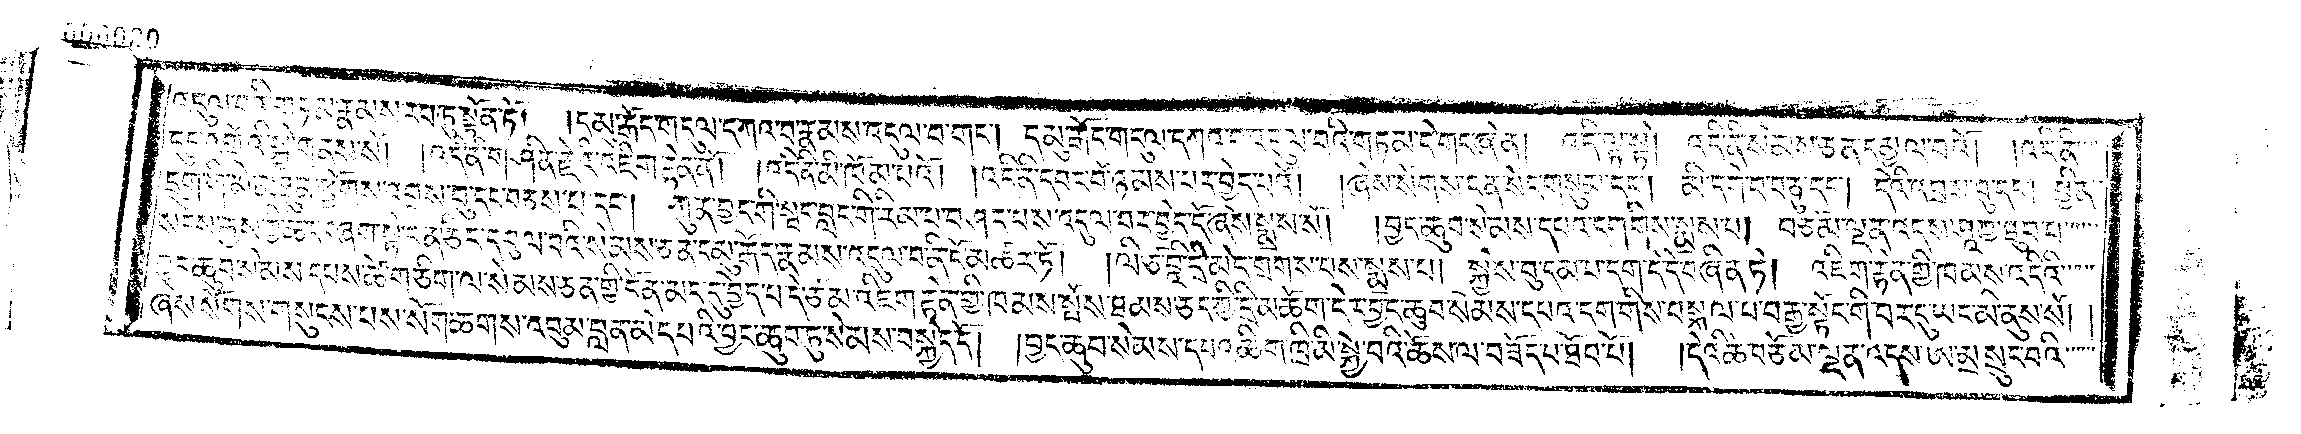འདུལ་བའི་གཏམ་རྣམས་རབ་ཏུ་སྟོན་ཏོ། །དམུ་རྒོད་གདུལ་དཀའ་བ་རྣམས་འདུལ་བ་གང་། དམུ་རྒོད་གདུལ་དཀའ་བ་འདུལ་བའི་གཏམ་དེ་གང་ཞེ་ན། འདི་ལྟ་སྟེ། འདི་ནི་སེམས་ཅན་དམྱལ་བའོ། །འདི་ནི་
དུད་འགྲོའི་སྐྱེ་གནས་སོ། །འདི་ནི་གཤིན་རྗེའི་འཇིག་རྟེན་ནོ། །འདི་ནི་མི་ཁོམ་པའོ། །འདི་ནི་དབང་པོ་ཉམས་པར་བྱེད་པའོ། །ཞེས་སོགས་ངན་སོང་གསུམ་དང་། མི་དགེ་བ་བཅུ་དང་། དེའི་འབྲས་བུ་དང་། ཕྱིན་
དྲུག་གི་མི་མཐུན་ཕྱོགས་འབྲས་བུ་དང་བཅས་པ་དང་། ཀུན་བྱང་གི་སྤང་བླང་གི་རིམ་པ་བཤད་པས་འདུལ་བར་བྱེད་དོ་ཞེས་སྨྲས་སོ། །བྱང་ཆུབ་སེམས་དཔའ་དག་གིས་སྨྲས་པ། བཅོམ་ལྡན་འདས་ཤཱཀྱ་ཐུབ་པ་
སངས་རྒྱས་ཀྱི་ཆེ་བ་བཞག་སྟེ་ངན་ཅིང་དབུལ་བའི་སེམས་ཅན་དམུ་རྒོད་རྣམས་འདུལ་བ་ནི་ངོ་མཚར་ཏོ། །ལི་ཙ་བཱི་དྲི་མེད་གྲགས་པས་སྨྲས་པ། སྐྱེས་བུ་དམ་པ་དག་དེ་དེ་བཞིན་ཏེ། འཇིག་རྟེན་གྱི་ཁམས་འདིའི་
བྱང་ཆུབ་སེམས་དཔས་ཚེ་གཅིག་ལ་སེམས་ཅན་གྱི་དོན་མང་དུ་བྱེད་པ་དེ་ཙམ་འཇིག་རྟེན་གྱི་ཁམས་སྤོས་ཐམས་ཅད་ཀྱི་དྲི་མཆོག་དེར་བྱང་ཆུབ་སེམས་དཔའ་དག་གིས་བསྐལ་པ་བརྒྱ་སྟོང་གི་བར་དུ་ཡང་མི་ནུས་སོ། །
ཞེས་སོགས་གསུངས་པས་སྲོག་ཆགས་འབུམ་བླ་ན་མེད་པའི་བྱང་ཆུབ་ཏུ་སེམས་བསྐྱེད་དོ། །བྱང་ཆུབ་སེམས་དཔའ་ཆིག་ཁྲི་མི་སྐྱེ་བའི་ཆོས་ལ་བཟོད་པ་ཐོབ་པོ། །དེའི་ཚེ་བཅོམ་ལྡན་འདས་ཨ་མྲ་སྲུང་བའི་